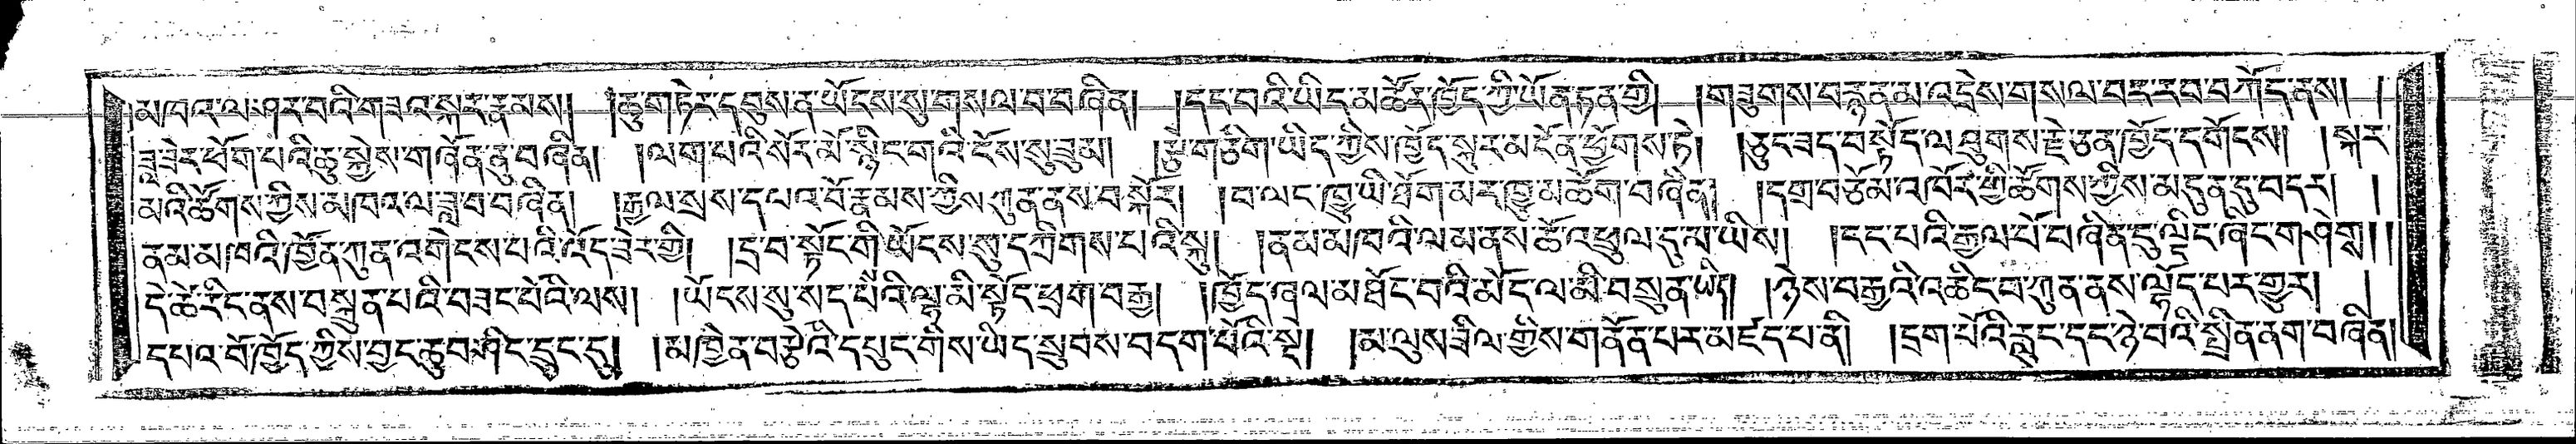མཁའ་ལ་ཤར་བའི་གཟའ་སྐར་རྣམས། །ཆུ་གཏེར་དབུས་ན་ཡོངས་སུ་གསལ་བ་བཞིན། །དང་བའི་ཡིད་མཚོར་ཁྱོད་ཀྱི་ཡོན་ཏན་གྱི། །གཟུགས་བརྙན་མ་འདྲེས་གསལ་བར་རབ་བཀོད་ནས། །
ཟླ་ཟེར་ཕོག་པའི་ཆུ་སྐྱེས་གཞོན་ནུ་བཞིན། །ལག་པའི་སོར་མོ་སྙིང་གའི་ངོས་སུ་ཟུམ། །རྩེ་གཅིག་ཡིད་ཀྱིས་ཁྱོད་སྐུར་མངོན་ཕྱོགས་ཏེ། །ཅུང་ཟད་བསྟོད་ལ་ཐུགས་རྗེ་ཅན་ཁྱོད་དགོངས། །སྐར་
མའི་ཚོགས་ཀྱིས་མཁའ་ལ་ཟླ་བ་བཞིན། །རྒྱལ་སྲས་དཔའ་བོ་རྣམས་ཀྱིས་ཀུན་ནས་བསྐོར། །བ་ལང་ཁྱུ་ཡི་ཐོག་མར་ཁྱུ་མཆོག་བཞིན། །དགྲ་བཅོམ་འཁོར་གྱི་ཚོགས་ཀྱིས་མདུན་དུ་བདར། །
ནམ་མཁའི་ཁྱོན་ཀུན་འགེངས་པའི་འོད་ཟེར་གྱི། །དྲ་བ་སྟོང་གི་ཡོངས་སུ་དཀྲིགས་པའི་སྐུམ། །ནམ་མཁའི་ལམ་ནས་ཆོས་འཕྲུལ་དུ་མ་ཡིས། །དང་པའི་རྒྱལ་པོ་བཞིན་དུ་ལྡིང་ཞིང་གཤེགས། །
དེ་ཚེ་རིང་ནས་བསྐྲུན་པའི་བཟང་པོའི་ལས། །ཡོངས་སུ་སད་པའི་ལྷ་མི་སྟོང་ཕྲག་བརྒྱ། །ཁྱོད་ཞལ་མཐོང་བའི་མོད་ལ་མི་བསྲུན་ཡིད། །ཉེས་བརྒྱའི་འཆིང་བ་ཀུན་ནས་ལྷོད་པར་གྱུར། །
དཔའ་བོ་ཁྱོད་ཀྱིས་བྱང་ཆུབ་ཤིང་དྲུང་དུ། །མཁྱེན་བརྩེའི་དཔུང་གིས་ཡིད་སྲུབས་བདག་པོའི་སྡེ། །མ་ལུས་ཟིལ་གྱིས་གནོན་པར་མཛད་པ་ནི། །དྲག་པོའི་རླུང་དང་ཉེ་བའི་སྤྲིན་ནག་བཞིན།